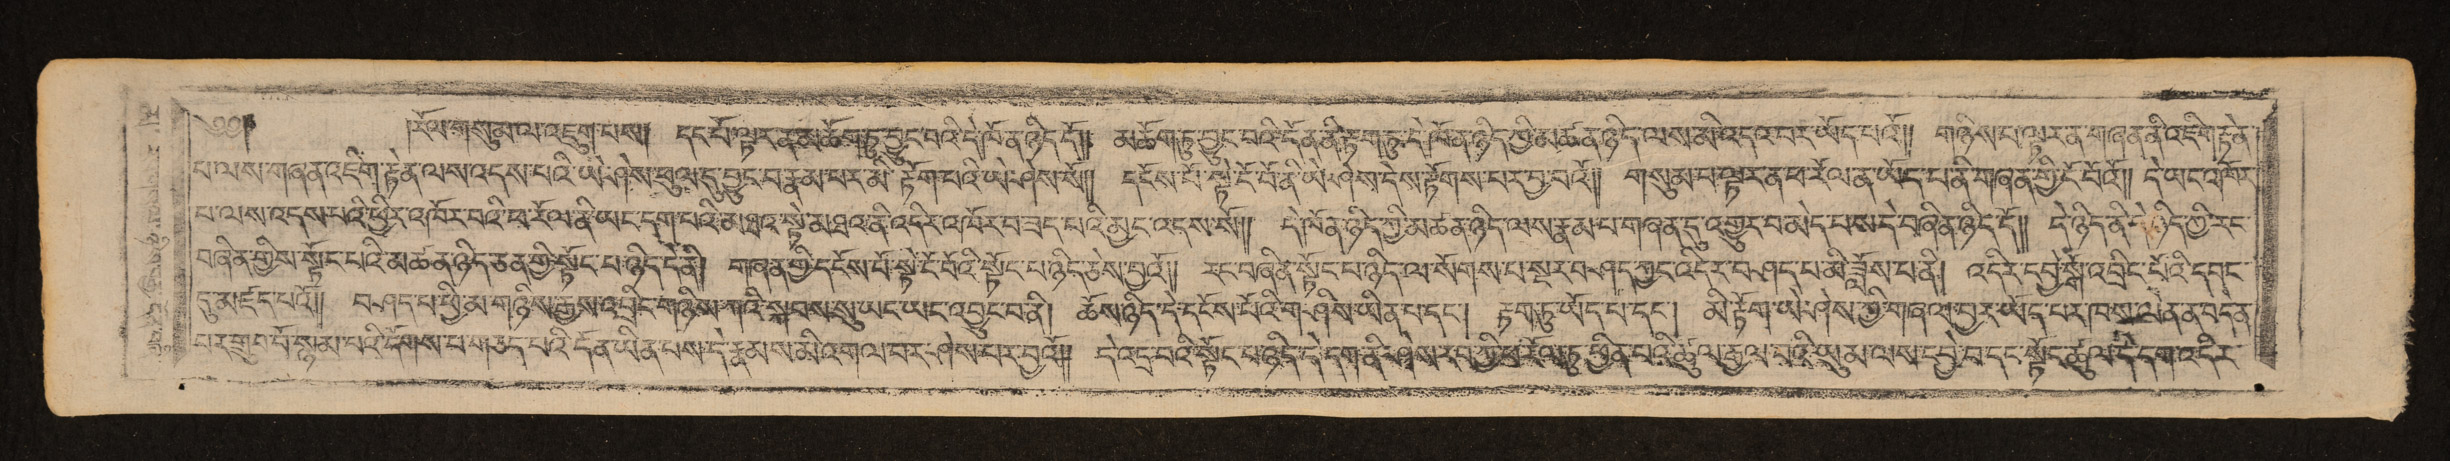༄༅། །རོལ་གསུམ་ལ་འཇུག་པས། དང་པོ་ལྟར་ན་མཆོག་ཏུ་བྱུང་བའི་དེ་ཁོ་ན་ཉིད་དོ།། མཆོག་ཏུ་བྱུང་བའི་དོན་ནི་རྟག་ཏུ་དེ་ཁོ་ན་ཉིད་ཀྱི་མཚན་ཉིད་ལས་མི་འདའ་བར་ཡོད་པའོ།། གཉིས་པ་ལྟར་ན་གཞན་ནི་འཇིག་རྟེན་
པ་ལས་གཞན་འཇིག་རྟེན་ལས་འདས་པའི་ཡེ་ཤེས་ཕུལ་དུ་བྱུང་བ་རྣམ་པར་མི་རྟོག་པའི་ཡེ་ཤེས་སོ།། དངོས་པོ་སྟེ་ངོ་བོ་ནི་ཡེ་ཤེས་དེས་རྟོགས་པར་བྱ་བའོ།། གསུམ་པ་ལྟར་ན་ཕ་རོལ་ན་ཡོད་པ་ནི་གཞན་གྱི་ངོ་བོའོ།། དེ་ཡང་འཁོར་
བ་ལས་འདས་པའི་ཕྱིར་འཁོར་བའི་ཕ་རོལ་ནི་ཡང་དག་པའི་མཐའ་སྟེ་མཐའ་ནི་འདིར་འཁོར་བ་ཟད་པའི་མྱང་འདས་སོ།། དེ་ཁོ་ན་ཉིད་ཀྱི་མཚན་ཉིད་ལས་རྣམ་པ་གཞན་དུ་འགྱུར་བ་མེད་པས་དེ་བཞིན་ཉིད་དོ།། དེ་ཉིད་ནི་དེ་ཉིད་ཀྱི་རང་
བཞིན་གྱིས་སྟོང་པའི་མཚན་ཉིད་ཅན་གྱི་སྟོང་པ་ཉིད་དེ་ནི། གཞན་གྱི་དངོས་པོ་སྟེ་ངོ་བོའི་སྟོང་པ་ཉིད་ཅེས་བྱའོ།། རང་བཞིན་སྟོང་པ་ཉིད་ལ་སོགས་པ་སྔར་བཤད་ཀྱང་འདིར་བཤད་པ་མི་ཟློས་པ་ནི། འདིར་དབྱེ་སྒོ་འབྲིང་པོའི་དབང་
དུ་མཛད་པའོ།། བཤད་པ་ཕྱི་མ་གཉིས་རྒྱས་འབྲིང་གཉིས་ཀའི་སྐབས་སུ་ཡང་ཡང་འབྱུང་བ་ནི། ཆོས་ཉིད་དེ་དངོས་པོའི་གཤིས་ཡིན་པ་དང་། རྟག་ཏུ་ཡོད་པ་དང་། མི་རྟོག་ཡེ་ཤེས་ཀྱི་གཞལ་བྱར་ཡོད་པར་ཁས་ལེན་ན་བདེན་
པར་གྲུབ་བོ་སྙམ་པའི་དོགས་པ་གཅད་པའི་དོན་ཡིན་པས་དེ་རྣམས་མི་འགལ་བར་ཤེས་པར་བྱའོ།། དེ་འདྲ་བའི་སྟོང་པ་ཉིད་དེ་དག་ནི་ཤེས་རབ་ཀྱི་ཕ་རོལ་ཏུ་ཕྱིན་པའི་ཚུལ་རྒྱལ་བའི་ཡུམ་ལས་དབྱེ་བ་དང་སྟོང་ཚུལ་དེ་དག་འདིར་